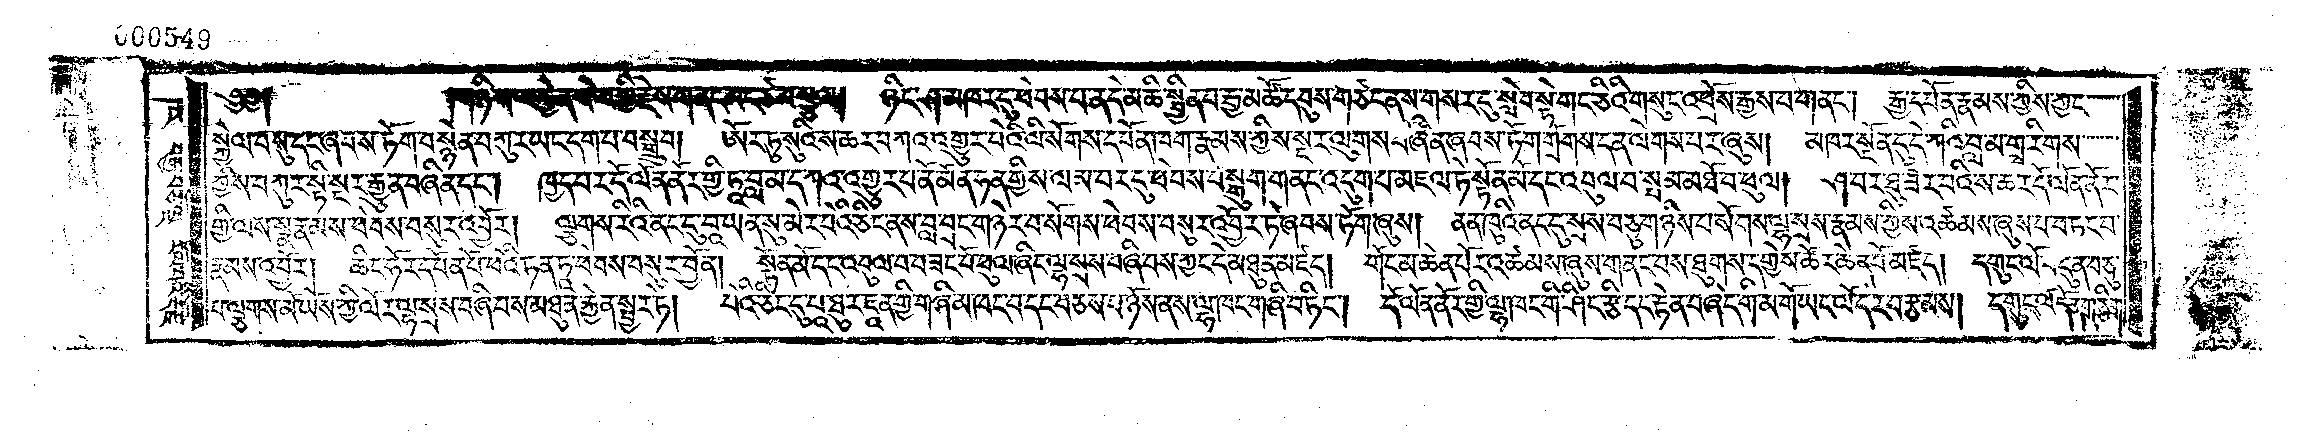༄༅། །གཉིས་ལ་རྐྱེན་སེལ་གྱི་རྗེས་གནང་མང་ཙམ་སྩལ། ཉིད་ཤ་མཁར་དུ་ཕེབས་པ་ན་དེ་མཆི་སྦྱིན་པ་རྒྱ་མཚོ་དབུས་གཙང་ནས་གསར་དུ་སླེབ་སྟེ་གང་ཅིའི་གསུང་འཕྲོས་རྒྱས་བ་གནང་། རྒྱ་དབོན་རྣམས་ཀྱིས་ཀྱང་
སྐྱེལ་བསུ་དང་ཞབས་ཏོག་བསྙེན་བཀུར་ཡང་དག་བ་བསྒྲུབ། ཨོར་ཏུ་སུའི་ས་ཆར་བཀའ་འགྱུར་བེའི་ལི་སོགས་དཔོན་ཁག་རྣམས་ཀྱིས་སྔར་ལུགས་བཞིན་ཞབས་ཏོག་གྲོགས་དན་ལེགས་པར་ཞུས། མཁར་སྔོན་དུ་དེ་ཀའི་བླ་མ་གྲྭ་རིགས་
ཀྱིས་བཀུར་སྟི་སྔར་རྒྱུན་བཞིན་དང་། ཁྱད་པར་དོ་ལོན་ནོར་གྱི་ཏཱ་བླ་མ་དཀའ་འགྱུར་པ་ནོ་མོན་ཧན་གྱིས་ལམ་བར་དུ་ཕེབས་བསྒུག་གནང་འདུག་པ་མཇལ་ཏེ་སྟོན་མོ་དང་འབུལ་བ་སྤམ་མཐོ་བ་ཕུལ། ཤ་བར་ཐུ་ཟེར་བའི་ས་ཆར་དོ་ལོན་ནོར་
གྱི་ལས་སྣ་རྣམས་ཕེབས་བསུར་འབྱོར། ལྕགས་རིའི་ནང་དུ་བཱ་ཡན་སུ་མེར་བེའི་ཅིང་ནས་བླ་བྲང་གཉེར་བ་སོགས་ཕེབས་བསུར་འབྱོར་ཏེ་ཞབས་ཏོག་ཞུས། ནན་ཁུའི་ནང་དུ་སྲས་བཅུ་གཉིས་པ་སོགས་ལྷ་སྲས་རྣམས་ཀྱིས་འཚམས་ཞུས་པ་བཏང་བ་
རྣམས་འབྱོར། ཆིང་ཧོར་དཔོན་པོ་ཕེའི་ཏན་ཏཱ་ཕེབས་བསུར་བྱོན། སྟོན་མོ་དང་འབུལ་བ་བཟང་པོ་ཕུལ་ཞིང་ལྷ་སྲས་བཞི་བས་ཀྱང་དེ་མཐུན་མཛད། གོང་མ་ཆེན་པོར་འཚམས་ཞུས་གནང་བས་ཐུགས་དགྱེས་ཚོར་ཆེན་པོ་མཛད། དགུང་ལོ་བདུན་བཅུ་
པ་ལྕགས་མོ་ཡོས་ཀྱི་ལོར་ལྷ་སྲས་བཞི་བས་མཐུན་རྐྱེན་སྦྱར་ཏེ། པེའི་ཅིང་དུ་པཱ་ཐུར་ཇཱ་ན་གྱི་གཞིམ་ཁང་བ་དང་བཅས་པ་ཉོས་ནས་ལྷ་ཁང་གཞི་བཏིང་། དོ་ལོན་ནོར་གྱི་ལྷ་ཁང་གི་ཤིང་རྩི་དང་རྟེན་བཞེད་གི་མ་གོ་ཡང་ལོ་དར་བརྩམས། དགུང་ལོ་དོན་གཅིག་